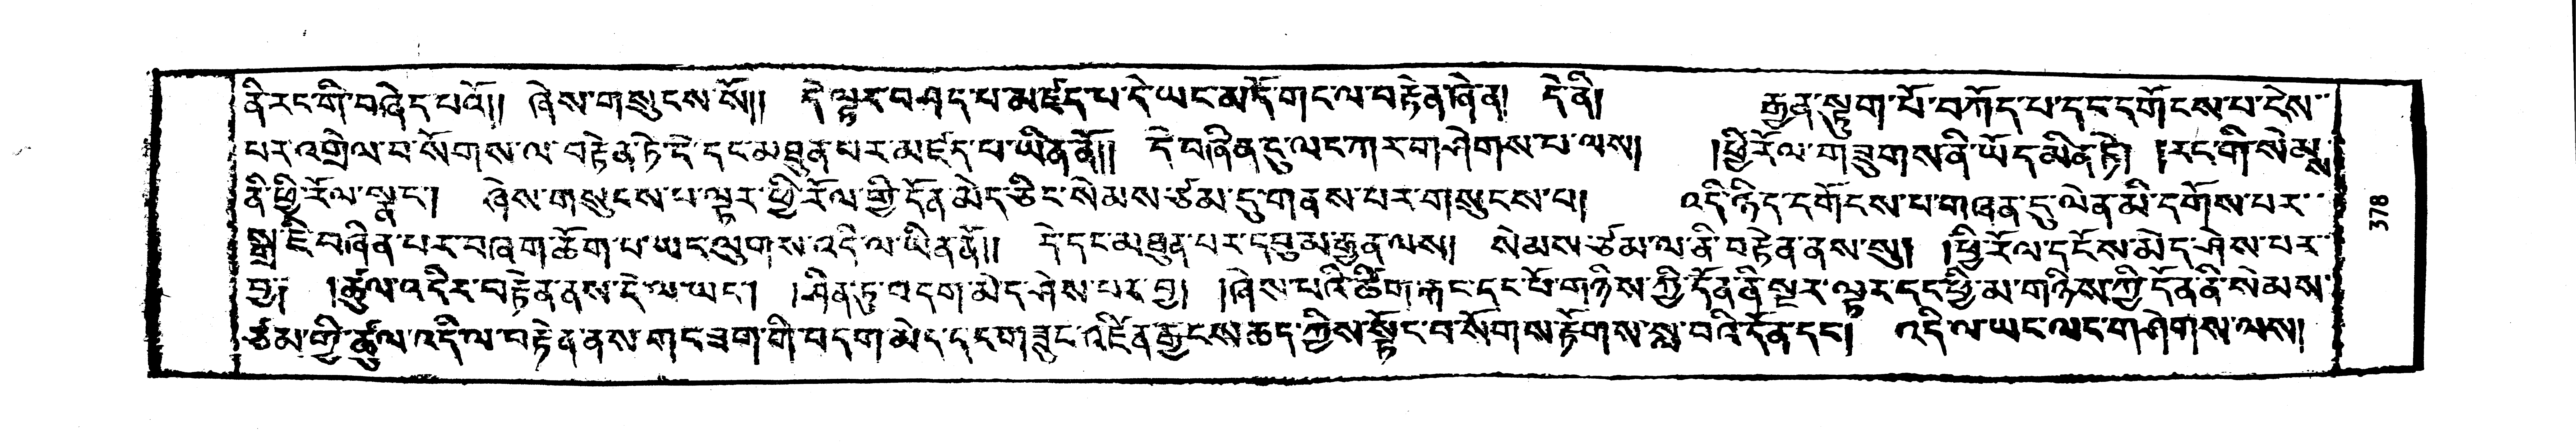ནི་རང་གི་བཞེད་པའོ། །ཞེས་གསུངས་སོ། །དེ་ལྟར་བཤད་པ་མཛད་པ་དེ་ཡང་མདོ་གང་ལ་བརྟེན་ཞེ་ན། དེ་ནི། རྒྱན་སྟུག་པོ་བཀོད་པ་དང་དགོངས་པ་ངེས་
པར་འགྲེལ་བ་སོགས་ལ་བརྟེན་ཏེ་དེ་དང་མཐུན་པར་མཛད་པ་ཡིན་ནོ། །དེ་བཞིན་དུ་ལང་ཀར་གཤེགས་པ་ལས། །ཕྱི་རོལ་གཟུགས་ནི་ཡོད་མིན་ཏེ། །རང་གི་སེམས་
ནི་ཕྱི་རོལ་སྣང་། ཞེས་གསུངས་པ་ལྟར་ཕྱི་རོལ་གྱི་དོན་མེད་ཅིང་སེམས་ཙམ་དུ་གནས་པར་གསུངས་པ། འདི་ཉིད་དགོངས་པ་གཞན་དུ་ལེན་མི་དགོས་པར་
སྒྲ་ཇི་བཞིན་པར་བཞག་ཆོག་པ་ཡང་ལུགས་འདི་ལ་ཡིན་ནོ། །དེ་དང་མཐུན་པར་དབུ་མ་རྒྱན་ལས། སེམས་ཙམ་ལ་ནི་བརྟེན་ནས་སུ། །ཕྱི་རོལ་དངོས་མེད་ཤེས་པར་
བྱ། །ཚུལ་འདིར་བརྟེན་ནས་དེ་ལ་ཡང་། །ཤིན་ཏུ་བདག་མེད་ཤེས་པར་བྱ། །ཞེས་པའི་ཚིག་རྐང་དང་པོ་གཉིས་ཀྱི་དོན་ནི་སྔར་ལྟར་དང་ཕྱི་མ་གཉིས་ཀྱི་དོན་ནི་སེམས་
ཙམ་གྱི་ཚུལ་འདི་ལ་བརྟེན་ནས་གང་ཟག་གི་བདག་མེད་དང་གཟུང་འཛིན་རྒྱངས་ཆད་ཀྱིས་སྟོང་བ་སོགས་རྟོགས་སླ་བའི་དོན་དང་། འདི་ལ་ཡང་ལང་གཤེགས་ལས།